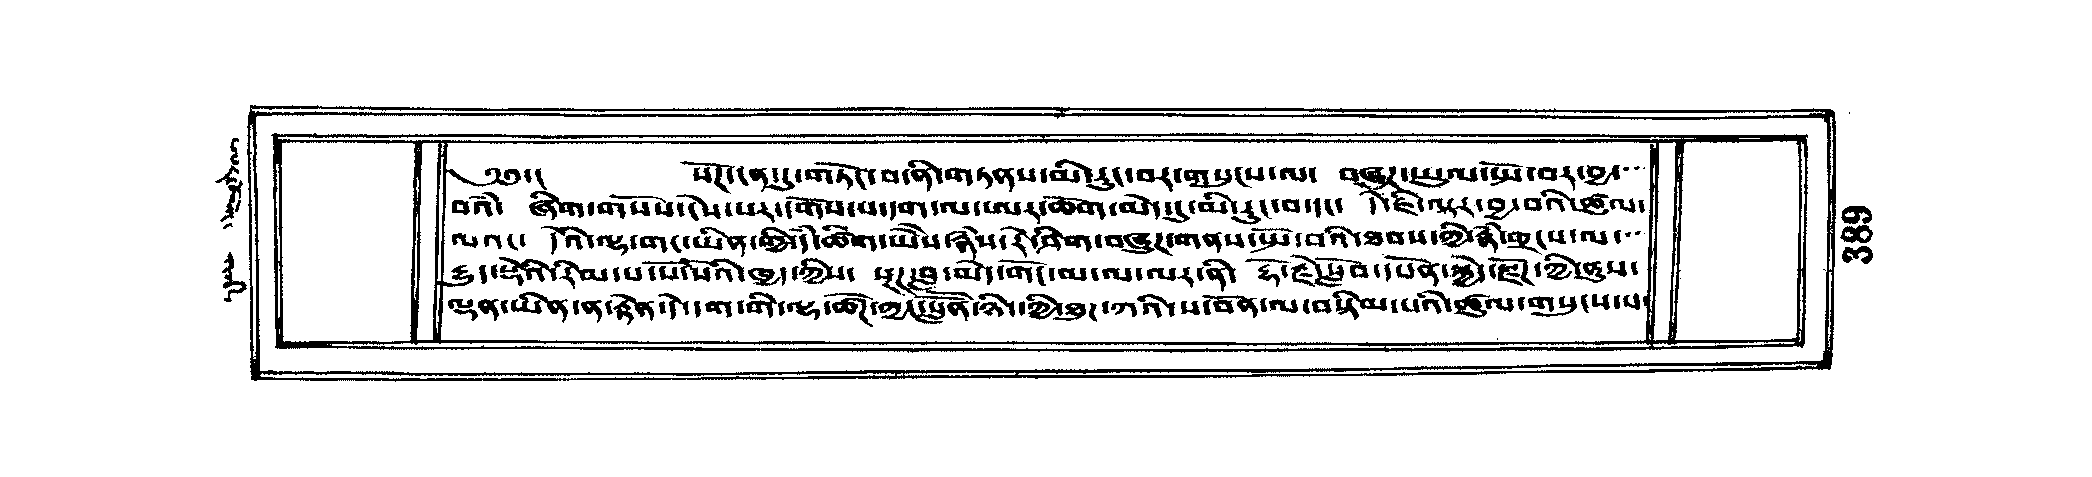སོགས་ངན་དུ་གཏོང་བ་ནི་གཏན་ནས་མི་རུང་བར་གསུངས་ལ། བཞུགས་ཡུལ་སྤོ་བར་བྱ་
བའམ། ཞིག་གསོས་ངེས་པར་དགོས་པ་དག་ལ་ཨར་ཆོག་མེད་དུ་མི་རུང་བ་དང་། དེ་ཇི་ལྟར་བྱ་བའི་ཚུལ་
ལའང་། དེའི་ལྷ་གང་ཡིན་གྱི་དམ་ཚིག་ཡེ་ཤེས་རྣམས་རེ་ཤིག་བཞུགས་གནས་སྤོ་བའི་ཐབས་ཀྱི་རྣམ་གྲངས་ལ་
རྒྱུད་སྡེའི་རིམ་པ་སོ་སོའི་ཁྱད་ཀྱིས། སྔགས་བླ་མེད་གོང་མ་ལ་ལར་ནི། རྡོ་རྗེ་སློབ་དཔོན་བསྐྱེད་རྫོགས་ཀྱི་ནུས་
ལྡན་ཡིན་ན་རྟེན་དེ་དག་གི་ལྷ་ཚོགས་ཀྱང་སློབ་དཔོན་ཉིད་ཀྱི་ཐུགས་ཀའི་ས་བོན་ལ་བསྟིམ་པའི་ཚུལ་གསུངས་པ་